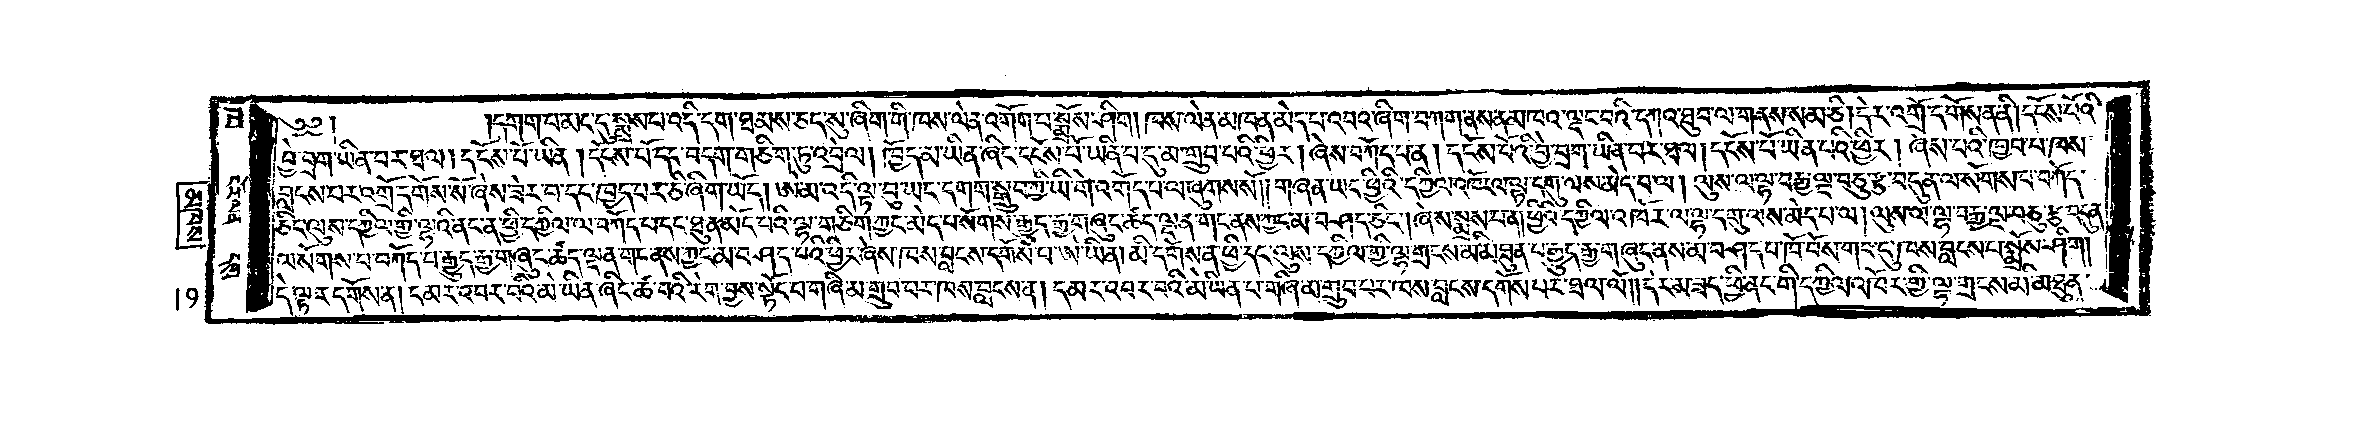༄༅། །དགག་པ་མང་དུ་སྨྲས་པ་འདི་དག་ཐམས་ཅད་སུ་ཞིག་གི་ཁས་ལེན་འགོག་པ་སྨྲོས་ཤིག །ཁས་ལེན་མཁན་མེད་པ་འབའ་ཞིག་བཀག་ནས་ནམ་མཁའ་ལྡང་བའི་དཀའ་ཐུབ་ལ་གནས་སམ་ཅི། དེར་འགྲོ་དགོས་ན་ནི། དངོས་པོའི་
བྱེ་བྲག་ཡིན་པར་ཐལ། དངོས་པོ་ཡིན། དངོས་པོ་དང་བདག་གཅིག་ཏུ་འབྲེལ། ཁྱོད་མ་ཡིན་ཞིང་དངོས་པོ་ཡིན་པ་དུ་མ་གྲུབ་པའི་ཕྱིར། ཞེས་བཀོད་པ་ན། དངོས་པོའི་བྱེ་བྲག་ཡིན་པར་ཐལ། དངོས་པོ་ཡིན་པའི་ཕྱིར། ཞེས་པའི་ཁྱབ་པ་ཁས་
བླངས་པར་འགྲོ་དགོས་སོ་ཞེས་ཟེར་བ་དང་ཁྱད་པར་ཅི་ཞིག་ཡོད། ཨེ་མ་འདི་ལྟ་བུ་ཡང་དགག་སྒྲུབ་ཀྱི་ཡི་གེ་འགོད་པ་ལ་ཞུགས་སོ། །གཞན་ཡང་ཕྱིའི་དཀྱིལ་འཁོར་ལ་ལྷ་དགུ་ལས་མེད་པ་ལ། ལུས་ལ་ལྷ་བརྒྱ་ལྔ་བཅུ་རྩ་བདུན་ལ་སོགས་པ་བཀོད་
ཅིང་ལུས་དཀྱིལ་གྱི་ལྷའི་ནང་ན་ཕྱི་དཀྱིལ་ལ་བཀོད་པ་དང་ཐུན་མོང་བའི་ལྷ་གཅིག་ཀྱང་མེད་པ་སོགས་རྒྱུད་རྒྱ་གཞུང་ཚད་ལྡན་གང་ནས་ཀྱང་མ་བཤད་ཅིང་། ཞེས་སྨྲས་པ་ན། ཕྱིའི་དཀྱིལ་འཁོར་ལ་ལྷ་དགུ་ལས་མེད་པ་ལ། ལུས་ལ་ལྷ་བརྒྱ་ལྔ་བཅུ་རྩ་བདུན་
ལ་སོགས་པ་བཀོད་པ་རྒྱུད་རྒྱ་གཞུང་ཚད་ལྡན་གང་ནས་ཀྱང་མ་བཤད་པའི་ཕྱིར་ཞེས་ཁས་བླངས་དགོས་པ་ཨེ་ཡིན། མི་དགོས་ན་ཕྱི་དང་ལུས་དཀྱིལ་གྱི་ལྷ་གྲངས་མི་མཐུན་པ་རྒྱུད་རྒྱ་གཞུང་ནས་མ་བཤད་པ་ཁོ་བོས་གང་དུ་ཁས་བླངས་པ་སྨྲོས་ཤིག།
དེ་ལྟར་དགོས་ན། དམར་འབར་བའི་མེ་ཡིན་ཞིང་ཚ་བའི་རེག་བྱས་སྟོང་པ་གཞི་མ་གྲུབ་པར་ཁས་བླངས་ན། དམར་འབར་བའི་མེ་ཡིན་པ་གཞི་མ་གྲུབ་པར་ཁས་བླངས་དགོས་པར་ཐལ་ལོ། །དེར་མ་ཟད་ཕྱི་ནང་གི་དཀྱིལ་འཁོར་གྱི་ལྷ་གྲངས་མི་མཐུན་